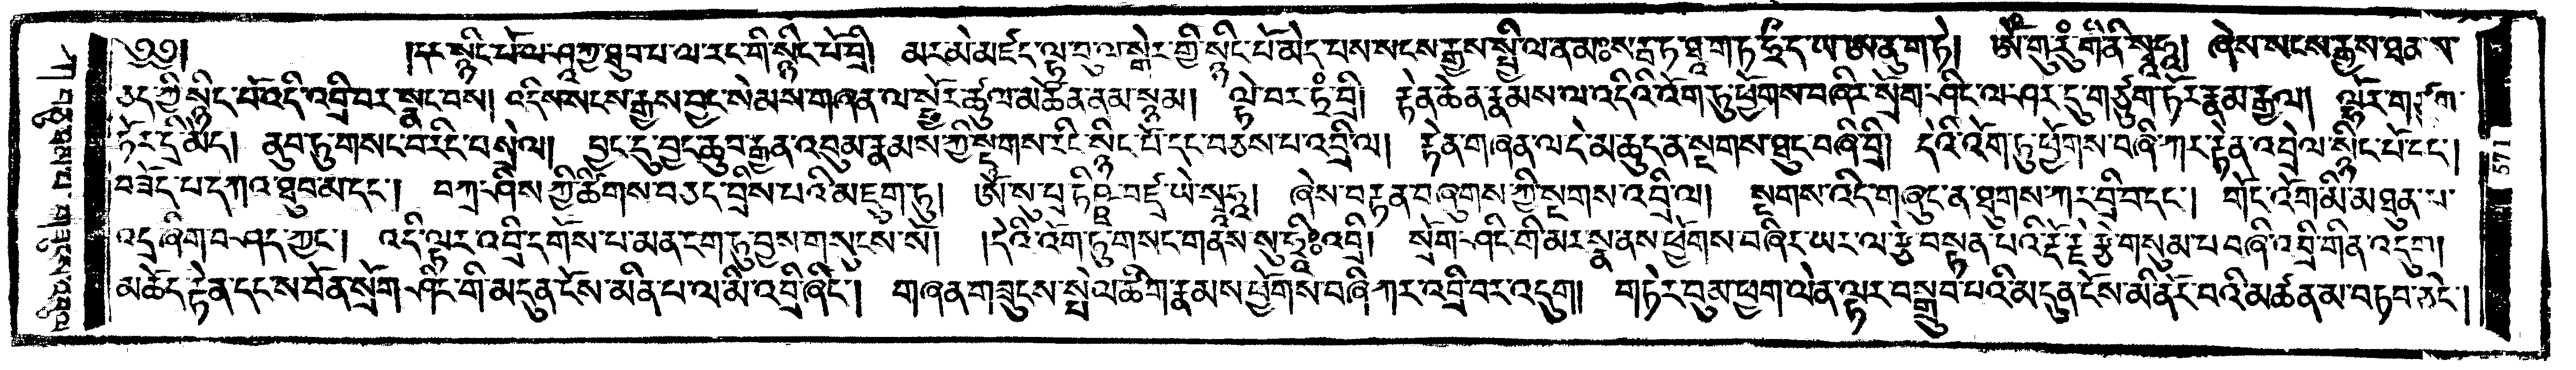༄༅། །དང་སྙིང་པོ་ལ་ཤཱཀྱ་ཐུབ་པ་ལ་རང་གི་སྙིང་པོ་བྲི། མར་མེ་མཛད་ལྟ་བུ་ལ་སྒེར་གྱི་སྙིང་པོ་མེད་པས་སངས་རྒྱས་སྤྱི་ལ་ནམཿ སརྦ་ཏ་ཐའ་ག་ཏ་ཧྲྀ་ད་ཡ་ཨ་ནུ་ག་ཏེ། ཨོཾ་གུ་རུཾ་གི་ནི་སྭཱ་ཧཱ། ཞེས་སངས་རྒྱས་ཐམས་
ཅད་ཀྱི་སྙིང་པོ་འདི་འབྲི་བར་སྣང་བས། འདིས་སངས་རྒྱས་བྱང་སེམས་གཞན་ལ་སྦྱོར་ཚུལ་མཚོན་ནམ་སྙམ། ལྟེ་བར་ཏྲམ་བྲི། རྟེན་ཆེན་རྣམས་ལ་འདིའི་འོག་ཏུ་ཕྱོགས་བཞིར་སྲོག་ཤིང་ལ་ཤར་དུ་གཙུག་ཏོར་རྣམ་རྒྱལ། ལྷོ་གཙུག་
ཏོར་དྲི་མེད། ནུབ་ཏུ་གསང་བ་རིང་བསྲེལ། བྱང་དུ་བྱང་ཆུབ་རྒྱན་འབུམ་རྣམས་ཀྱི་སྔགས་རིང་སྙིང་པོ་དང་བཅས་པ་འབྲིལ། རྟེན་གཞན་ལ་དེ་མ་ཆུང་ན་སྔགས་ཐུང་བཞི་བྲི། དེའི་འོག་ཏུ་ཕྱོགས་བཞི་ཀར་རྟེན་འབྲེལ་སྙིང་པོ་དང་།
བཟོད་པ་དཀའ་ཐུབ་མ་དང་། བཀྲ་ཤིས་ཀྱི་ཚིགས་བཅད་བྲིས་པའི་འཇུག་ཏུ། ཨོཾ་སུ་པྲ་ཏིཥཊཿཨ་བཛྲ་ཡེ་སྭཱཧཱ། རྟེན་བརྟན་བཞུགས་ཀྱི་སྔགས་འབྲི་ལ། སྔགས་འིད་གཞུང་ན་ཐུགས་ཀར་བྲི་བ་དང་། གོང་འོག་མི་མཐུན་པ་
འདྲ་ཞིག་བཤད་ཀྱང་། འདི་ལྟར་འབྲི་དགོས་པ་མན་ངག་ཏུ་བྱས་གསུངས་སོ། །དེའི་འོག་ཏུ་གསང་གནས་སུ་ཧྲཱིཿ འབྲི། སྲོག་ཤིང་གི་མར་སྣ་ནས་ཕྱོགས་བཞིར་ཡར་ལ་རྩེ་བསྟན་པའི་རྡོ་རྗེ་རྩེ་གསུམ་པ་བཞི་འབྲི་གིན་འདུག།
མཆོད་རྟེན་དང་ས་བོན་སྲོག་ཤིང་གི་མདུན་ངོས་མིན་པ་ལ་མི་འབྲི་ཞིང་། གཞན་གཟུངས་སྤེལ་ཚིག་རྣམས་ཕྱོགས་བཞི་ཀར་འབྲི་བར་འདུག །གཏེར་བུམ་ཕྱག་ལེན་ལྟར་བསྒྲུབ་པའི་མདུན་ངོས་མི་ནོར་བའི་མཚན་མ་བཏབ་ཅེང་།